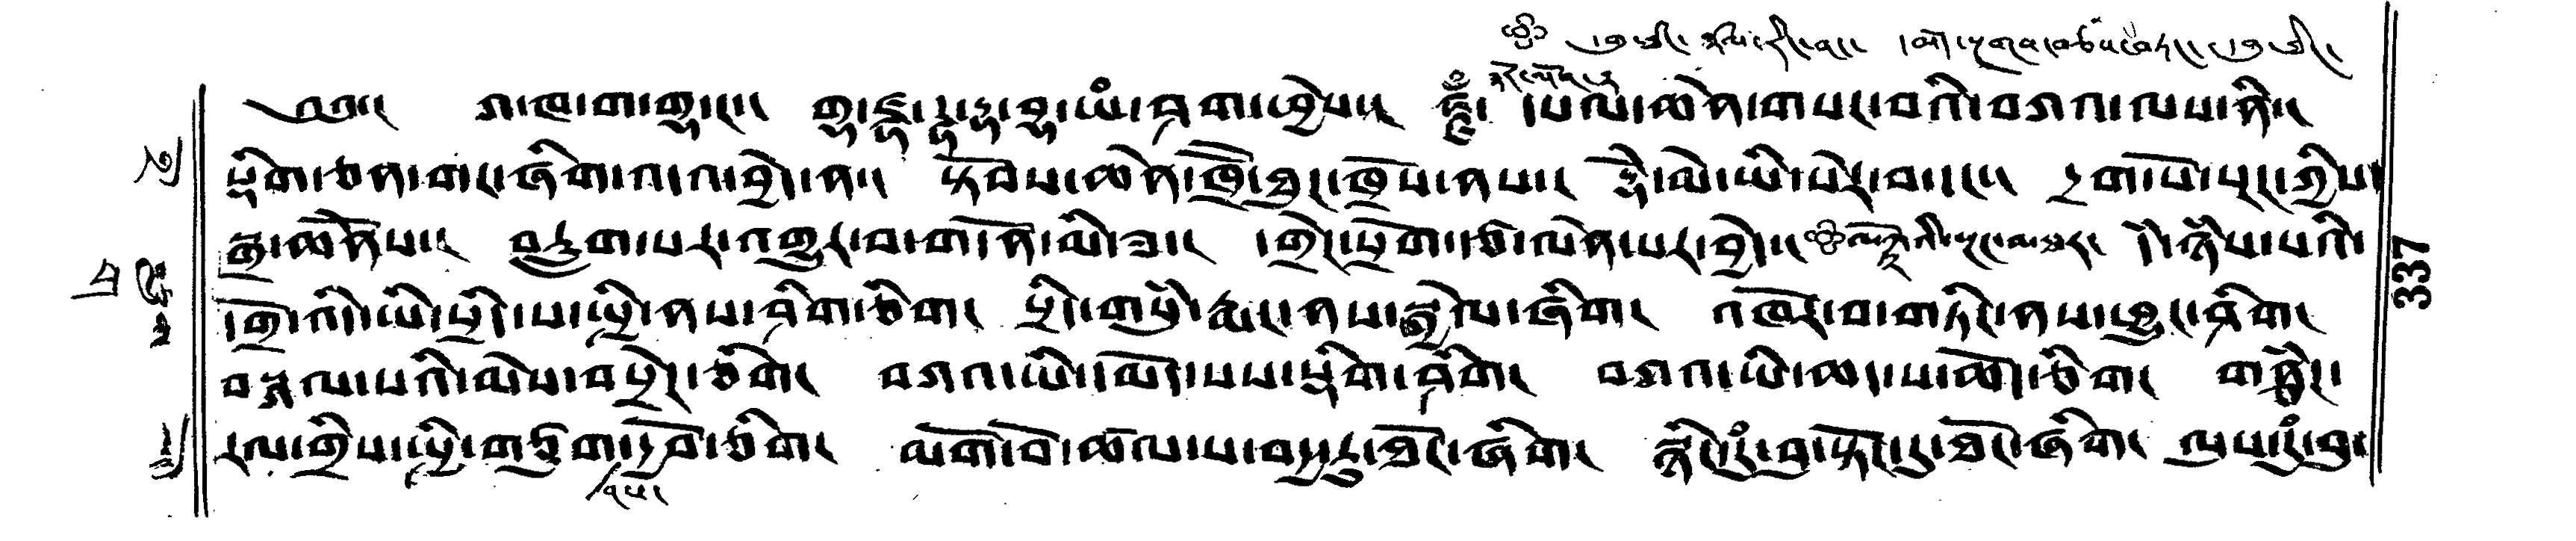ཀ་ཁ་ག་གྷ་ང་། གྷ་ཛྷ་ཌྷ་དྷ་བྷ་ཡཾ་ཤག་ཕྱེས། ཧཱུྃ། དཔལ་ཆེན་གསང་བའི་བཀའ་ལས་ནི། །
སྡིག་ཅན་གག་ཞིག་འདའ་བྱེད་ན། །སྟོབས་ཆེན་ཁྲོ་བོ་ཐུགས་ཁྲོས་ནས། །རྡོ་རྗེ་མེ་ཡི་སེར་བ་དང་། །དྲག་པོ་སྔགས་ཀྱིས་
སྒྲ་ཆེན་པོས། །བརླག་པར་འགྱུར་བ་གདོན་མི་ཟ། །དགྲ་བགེགས་སྲོག་རྩ་ལེན་པར་བྱེད། ལོཀྟྲའི་སྔགས་མཐར། དམ་ཉམས་པའི་
དགྲ་བོ་འདི་ཡི་སྲིད་པ་སྤྱི་ནས་ཤིག་ཅིག སྲིད་གསུམ་རྨང་ནས་སྒྱེལ་ཞིག འཁོར་བ་གཏིང་ནས་ཕྱུང་ཤིག 
བསྐལ་པའི་མེས་བསྲེགས་ཅིག བཀའ་ཡི་དམོད་པས་སྡིག་ཤིག བཀའ་ཡི་ཆད་པ་ཆོད་ཅིག གནམ་ལྕགས་
རལ་གྲིས་སྤྱི་གཙུག་ནས་རྒྱོབ་ཅིག མགོ་བོ་ཚལ་པ་བརྒྱ་རུ་ཐོང་ཞིག སྙིང་དུམ་བུ་སྟོང་དུ་ཐོང་ཞིག ལུས་དུམ་བུ་